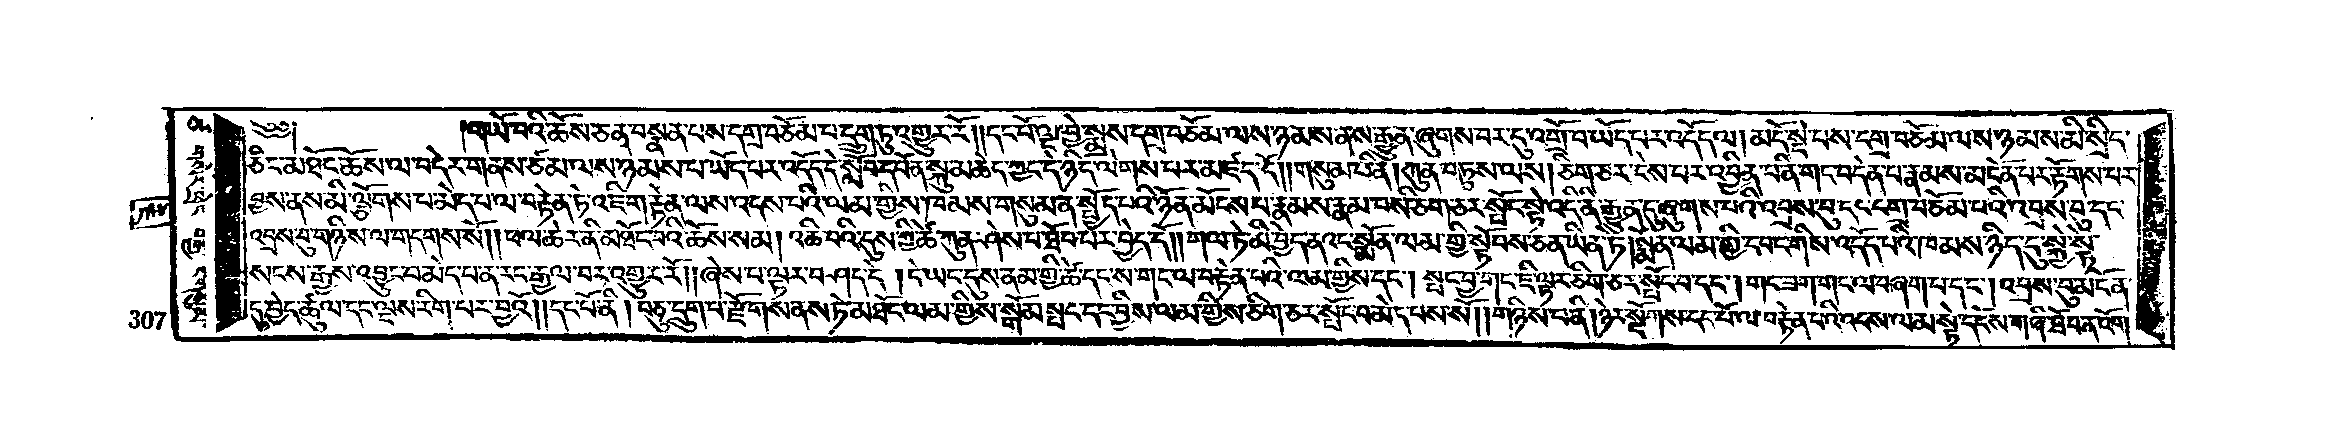༄༅། །གཡོ་བའི་ཆོས་ཅན་བསྣན་པས་དགྲ་བཅོམ་པ་དྲུག་ཏུ་འགྱུར་རོ། །དང་པོ་ལྔ་བྱེ་སྨྲས་དགྲ་བཅོམ་ལས་ཉམས་ནས་རྒྱུན་ཞུགས་བར་དུ་འགྲོ་བ་ཡོད་པར་འདོད་ལ། མདོ་སྡེ་པས་དགྲ་བཅོམ་ལས་ཉམས་མི་སྲིད་
ཅིང་མཐོང་ཆོས་ལ་བདེར་གནས་ཙམ་ལས་ཉམས་པ་ཡོད་པར་འདོད་དེ་སློབ་དཔོན་སྐུ་མཆེད་ཀྱང་དེ་ཉིད་ལེགས་པར་མཛད་དོ། །གསུམ་པ་ནི། ཀུན་བཏུས་ལས། ཅིག་ཅར་ངེས་པར་འབྱིན་པ་ནི་གང་བདེན་པ་རྣམས་མངོན་པར་རྟོགས་པར་
བྱས་ནས་མི་ལྕོགས་པ་མེད་པ་ལ་བརྟེན་ཏེ་འཇིག་རྟེན་ལས་འདས་པའི་ལམ་གྱིས་ཁམས་གསུམ་ན་སྤྱོད་པའི་ཉོན་མོངས་པ་རྣམས་རྣམ་པས་ཅིག་ཅར་སྤོང་སྟེ་འདི་ནི་རྒྱུན་དུ་ཞུགས་པའི་འབྲས་བུ་དང་དགྲ་བཅོམ་པའི་འབྲས་བུ་དང་
འབྲས་བུ་གཉིས་ལ་གདགས་སོ། །ཕལ་ཆེར་ནི་མཐོང་བའི་ཆོས་སམ། འཆི་བའི་དུས་ཀྱི་ཚེ་ཀུན་ཤེས་པ་ཐོབ་པར་བྱེད་དོ། །གལ་ཏེ་མི་བྱེད་ནའང་སྨོན་ལམ་གྱི་སྟོབས་ཅན་ཡིན་ཏེ། སྨོན་ལམ་གྱི་དབང་གིས་འདོད་པའི་ཁམས་ཉིད་དུ་སྐྱེ་སྟེ་
སངས་རྒྱས་འབྱུང་བ་མེད་པ་ན་རང་རྒྱལ་བར་འགྱུར་རོ། །ཞེས་པ་ལྟར་བཤད་དེ། དེ་ཡང་དུས་ནམ་གྱི་ཚེ་དང་ས་གང་ལ་བརྟེན་པའི་ལམ་གྱིས་དང་། སྤང་བྱ་གང་ཇི་ལྟར་ཅིག་ཅར་སྤོང་བ་དང་། གང་ཟག་གང་ལ་བཞག་པ་དང་། འབྲས་བུ་མངོན་
དུ་བྱེད་ཚུལ་དང་ལྔས་རིག་པར་བྱའོ། །དང་པོ་ནི། བཅུ་དྲུག་པ་རྫོགས་ནས་ཏེ་མཐོང་ལམ་གྱིས་སྒོམ་སྤང་དང་བྱིས་ལམ་གྱིས་ཅིག་ཅར་སྤོང་བ་མེད་པས་སོ། །གཉིས་པ་ནི། ཉེར་སྡོགས་དང་པོ་ལ་བརྟེན་པའི་འདས་ལམ་སྟེ་དངོས་གཞི་ཐོབ་ན་འོག་